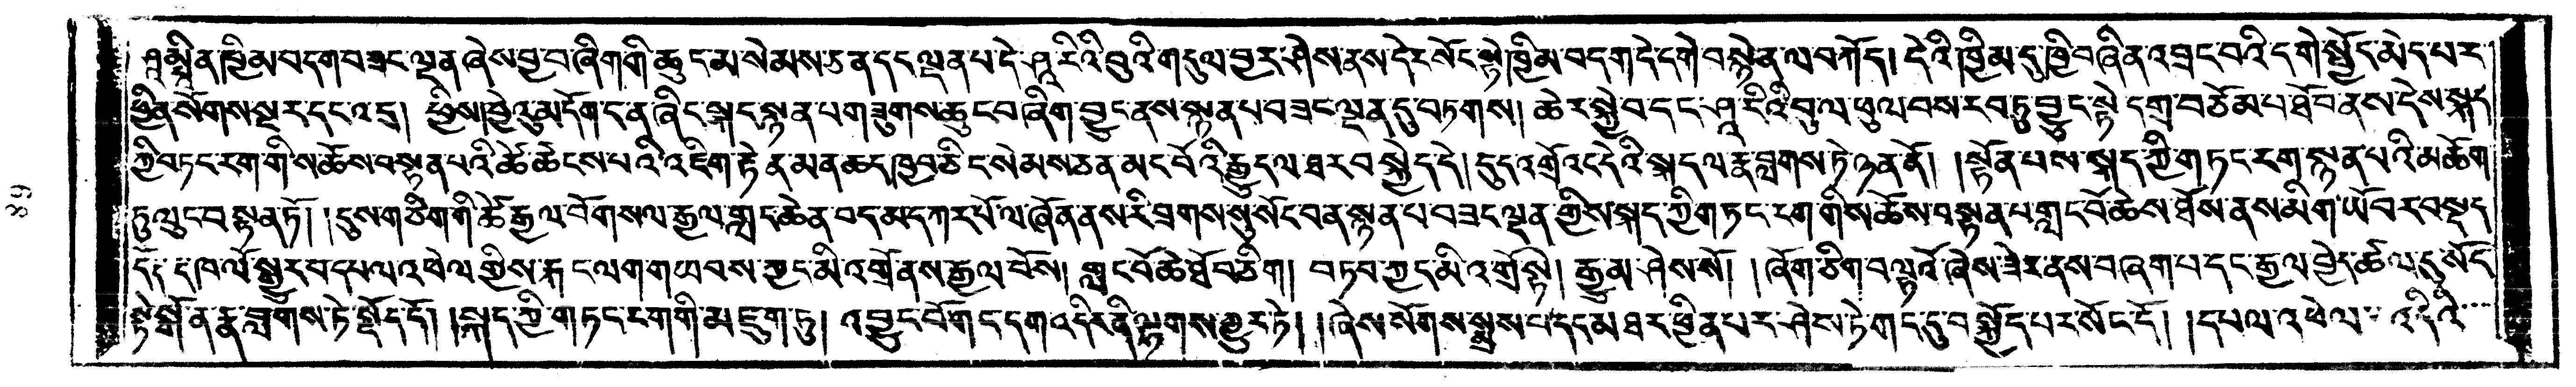ཤཱམྤཱི་ན་ཁྱིམ་བདག་བཟང་ལྡན་ཞེས་བྱ་བ་ཞིག་གི་ཆུང་མ་སེམས་ཅན་དང་ལྡན་པ་དེ་ཤཱ་རིའི་བུའི་གདུལ་བྱར་ཤེས་ནས་དེར་སོང་སྟེ་ཁྱིམ་བདག་དེ་དགེ་བསྙེན་ལ་བཀོད། དེའི་ཁྱིམ་དུ་ཁྱི་བཞིན་འབྲང་བའི་དགེ་སྦྱོད་མེད་པར་
ཕྱིན་སོགས་སྔར་དང་འདྲ། ཕྱིས། བྱེའུ་མདོག་ང་ན་ཞིང་སྐང་སྙན་པ་གཟུགས་ཆུང་བ་ཞིག་བྱུང་ནས་སྙན་པ་བཟང་ལྡན་དུ་བཏགས། ཆེར་སྐྱེ་བ་དང་ཤཱ་རིའི་བུ་ལ་ཕུལ་བས་རབ་ཏུ་བྱུང་སྟེ་དགྲ་བཅོམ་པ་ཐོབ་ནས་དེས་སྐད་
ཀྱི་བཏང་རག་གིས་ཆོས་བསྟན་པའི་ཚེ་ཚངས་པའི་འཇིག་རྟེན་མན་ཆད་ཁྱབ་ཅིང་སེམས་ཅན་མང་པོའི་རྒྱུད་ལ་ཐར་བ་སྐྱེད་དེ། དུད་འགྲོའང་དེའི་སྐད་ལ་རྣ་བླགས་ཏེ་ཉན་ནོ། །སྟོན་པས་སྐད་ཀྱི་གཏང་རག་སྙན་པའི་མཆོག་
ཏུ་ལུང་བསྟན་ཏོ། །དུས་གཅིག་གི་ཚེ་རྒྱལ་བོ་གསལ་རྒྱལ་གླང་ཆེན་བད་མ་དཀར་པོ་ལ་ཞོན་ནས་རི་བྲགས་སུ་སོང་བན་སྙན་པ་བཟང་ལྡན་གྱིས་སྐད་ཀྱི་གཏང་ངག་གིས་ཆོས་བསྟན་པ་གླང་པོ་ཆེས་ཐོས་ནས་མི་གཡོ་བར་བསྡད་
དོ༑ ༑ཁ་ལོ་སྒྱུར་བ་དཔལ་འཕེལ་གྱིས་རྐང་ལག་གཡབས་ཀྱང་མི་འགྲོ་ནས་རྒྱལ་པོས། གླང་པོ་ཆེ་ཐོབ་ཅིག། བཏབ་ཀྱང་མི་འགྲོ་སྟེ། རྒྱུ་མ་ཤེས་སོ། །ཞོག་ཅིག་བལྟའོ་ཞེས་ཟེར་ནས་བཞག་པ་དང་རྒྱལ་བྱེད་ཚལ་དུ་སོང་
སྟེ་སྒོ་ན་རྣ་བླགས་ཏེ་སྡོད་དོ། །སྐད་ཀྱི་གཏང་ངག་གི་མཇུག་ཏུ། འབྱུང་པོ་གང་དག་འདིར་ནི་ལྷགས་གྱུར་ཏེ། །ཞེས་སོགས་སྨྲས་པ་དང་མཐར་ཕྱིན་པར་ཤེས་ཏེ་གང་དུ་བསྐྱོད་པར་སོང་ངོ། །དཔལ་འཕེལ༑ འདིའི་